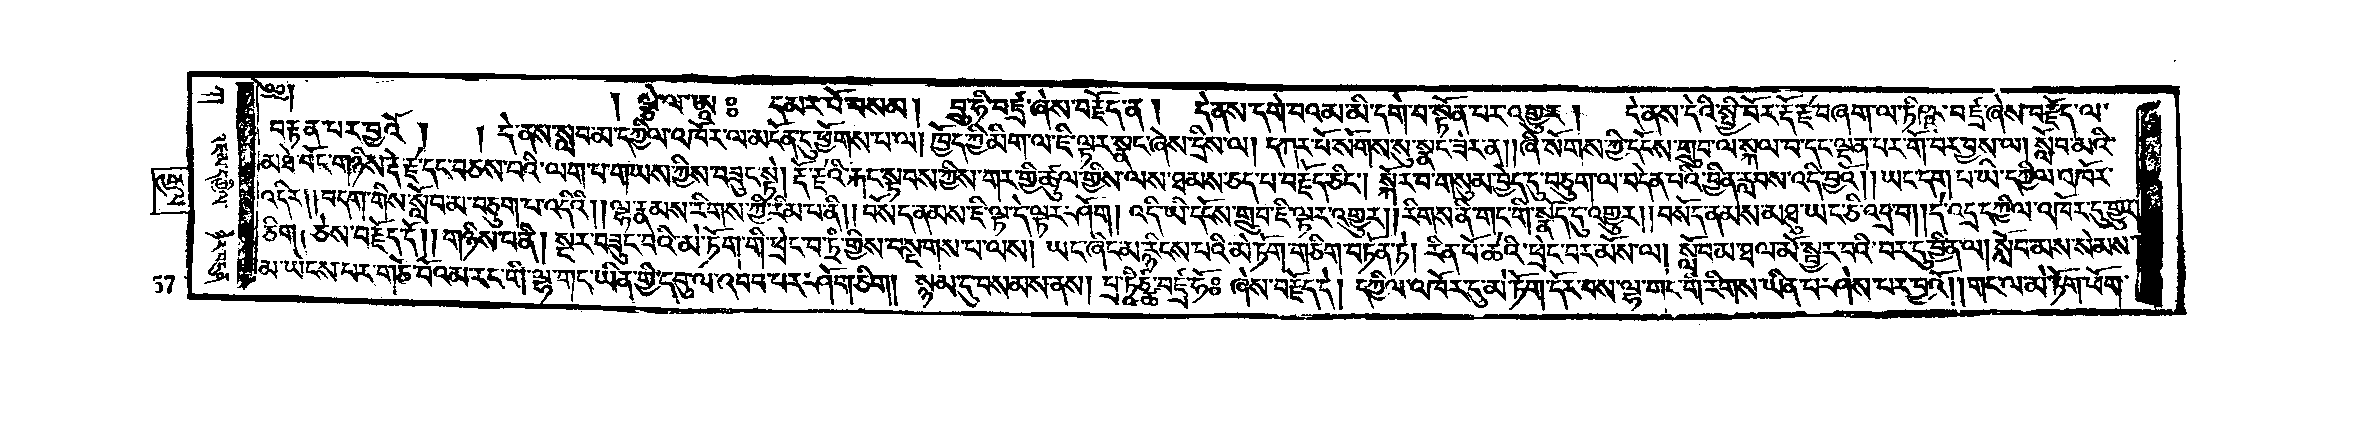༄༅། །ལྕེ་ལ་ཨཱཿ དམར་པོ་བསམ། བྲུ་ཧི་བྫྲ་ཞེས་བརྗོད་ན། དེ་ནས་དགེ་བའམ་མི་དགེ་བ་སྟོན་པར་འགྱུར། དེ་ནས་དེའི་སྤྱི་བོར་རྡོ་རྗེ་བཞག་ལ་ཏིཥྵ?་བྫྲ་ཞེས་བརྗོད་ལ་
བརྟན་པར་བྱའོ། །དེ་ནས་སློབ་མ་དཀྱིལ་འཁོར་ལ་མངོན་དུ་ཕྱོགས་པ་ལ། ཁྱོད་ཀྱི་མིག་ལ་ཇི་ལྟར་སྣང་ཞེས་དྲིས་ལ། དཀར་པོ་སོགས་སུ་སྣང་ཟེར་ན། །ཞི་སོགས་ཀྱི་དངོས་གྲུབ་ལ་སྐལ་བ་དང་ལྡན་པར་གོ་བར་བྱས་ལ། སློབ་མའི་
མཐེ་བོང་གཉིས་རྡོ་རྗེ་དང་བཅས་པའི་ལག་པ་གཡས་ཀྱིས་བཟུང་སྟེ། རྡོ་རྗེའི་རྐང་སྟོབས?་ཀྱིས་གར་གྱི་ཚུལ་གྱིས་ལས་ཐམས་ཅད་པ་བརྗོད་ཅིང་། སྐོར་བ་གསུམ་བྱེད་དུ་བཅུག་ལ་བདེན་པའི་བྱིན་རླབས་འདི་བྱའོ། །ཡང་དག་པ་ཡི་དཀྱིལ་འཁོར་
འདིར། །བདག་གིས་སློབ་མ་བཅུག་པ་འདིའི། །ལྷ་རྣམས་རིགས་ཀྱི་རིམ་པ་ནི། །བསོད་ནམས་ཇི་ལྟ་དེ་ལྟར་ཤོག །འདི་ཡི་དངོས་གྲུབ་ཇི་ལྟར་འགྱུར། །རིགས་ནི་གང་གི་སྣོད་དུ་འགྱུར། །བསོད་ནམས་མཐུ་ཡང་ཅི་འདྲ་བ། །དེ་འདྲ་དཀྱིལ་འཁོར་དུ་གྱུར་
ཅིག །ཅེས་བརྗོད་དོ། །གཉིས་པ་ནི། སྔར་བཟུང་བའི་མེ་ཏོག་གི་ཕྲེང་བ་ཏྲཾ་གྱིས་བསྔགས་པ་ལས། ཡང་ཞིང་མ་རྙིངས་པའི་མེ་ཏོག་གཅིག་བཏོན་ཏེ། རིན་པོ་ཆེའི་ཕྲེང་བར་མོས་ལ། སློབ་མ་ཐལ་མོ་སྦྱར་བའི་བར་དུ་བྱིན་ལ། སློབ་མས་སེམས་
མ་ཡེངས་པར་གཙོ་བོའམ་རང་གི་ལྷ་གང་ཡིན་གྱི་དབུ་ལ་འབབ་པར་ཤོག་ཅིག །སྙམ་དུ་བསམས་ནས། པྲ་ཏཱི་ཙྪ་བྫྲ་ཧོཿ ཞེས་བརྗོད་དེ། དཀྱིལ་འཁོར་དུ་མེ་ཏོག་དོར་བས་ལྷ་གང་གི་རིགས་ཡིན་པ་ཤེས་པར་བྱའོ། །གང་ལ་མེ་ཏོག་ཕོག་